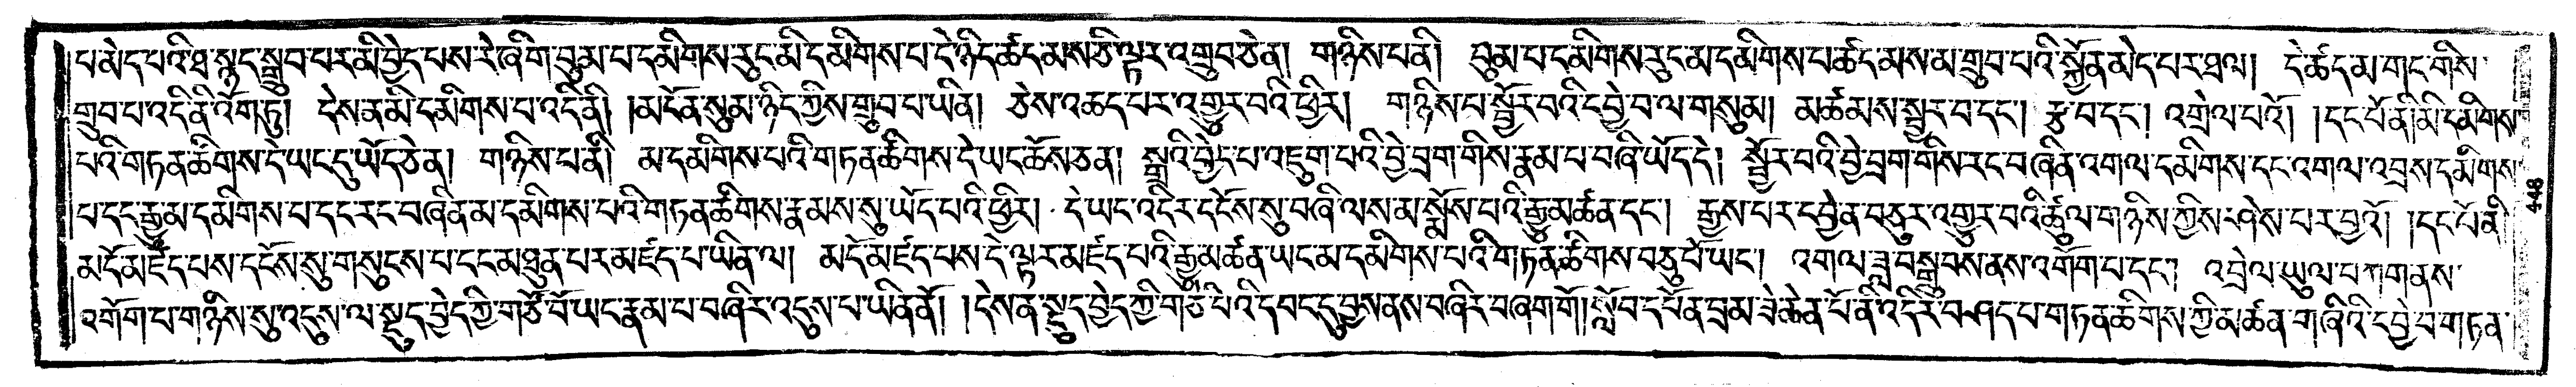ཡོད་ཀྱང་མི་དམིགས་པར་འགྱུར་བའི་ཕྱིར་བུམ་པ་ཡོད་པ་དམིགས་པ་ལ་འཁྲུལ་བར་འགྱུར་རོ་ཞེ་ན། གཉིས་པ་ལ་གསུམ། ལན་དངོས་དང་། མི་འཁྲུལ་བའི་དོན་བསྡུ་བ་དང་། དེས་གཞན་ཡང་ཁེགས་པའོ། །དང་པོ་ནི། རྣལ་འབྱོར་པ་མཐུ་
ལྡན་ལ་སོགས་པས་བུམ་པ་མི་མཐོང་བར་བྱིན་གྱིས་བརླབས་ཡོད་ན་སྣང་རུང་གི་བུམ་པ་ཚད་མས་དམིགས་པ་ལ་འཁྲུལ་པའི་སྐྱོན་ཡོད་པ་མ་ཡིན་ཏེ། སྣང་རུང་གི་བུམ་པ་ཡོད་ན་ངེས་པར་དམིགས་དགོས་པའི་ཕྱིར། དེ་ཡང་རྣལ་འབྱོར་པ་ལ་
སོགས་པས་ཡུལ་དང་དབང་པོ་དག་ལས་གཉིས་ཀའམ་གང་རུང་གཞན་དུ་བསྒྱུར་རམ་མ་བསྒྱུར། གཉིས་པ་ལྟར་ན་རྣལ་འབྱོར་པས་བུམ་པ་སྣང་མི་རུང་དུ་བྱིན་གྱིས་བརླབས་པ་ཉིད་མི་འཐད་པར་ཐལ། རྣལ་འབྱོར་པ་ལ་སོགས་པའི་མཐུས་ཡུལ་
དང་དབང་པོ་དག་ལས་གང་ཡང་རུང་བ་ཞིག་གིས། གཉིས་ཀ་གཞན་དུ་གྱུར་པ་མེད་པའི་ཕྱིར་རོ། །དང་པོ་ལྟར་ན་རྣལ་འབྱོར་པས་ཡུལ་བུམ་པ་དང་དབང་ཤེས་བུམ་པ་མཐོང་དུ་མི་རུང་བར་འདུས་བྱས་ན་ནི་དབང་ཤེས་དེས་བུམ་པ་མི་དམིགས་པར་
འགྱུར་མོད་ཀྱི། སྣང་རུང་གི་བུམ་པ་ཡོད་ན་དམིགས་པ་ལ་འཁྲུལ་པའི་སྐྱོན་མེད་པར་ཐལ། དེའི་ཚེ་ཡང་ས་ཕྱོགས་མཐོང་བའི་རྣམ་པ་དེ་ལྟ་བུའི་དབང་པོའི་ཤེས་པས་བུམ་པ་ཡོད་ན་ས་ཕྱོགས་དེ་དང་ཤེས་པ་གཅིག་ལ་འདྲེར་རུང་དུ་བཟུང་བར་བྱ་
རུང་གི་བུམ་པ་མེད་པ་ནི་ཡོད་པ་ཉིད་ཡིན་ལ། ས་ཕྱོགས་དེ་དང་ཤེས་པ་གཅིག་ལ་འདྲེར་རུང་གི་བུམ་པ་ཡོད་ན། ས་ཕྱོགས་དེ་མཐོང་བའི་དབང་ཤེས་ཀྱིས་ངེས་པར་དམིགས་དགོས་པའི་ཕྱིར། གཉིས་པ་ནི། དེའི་ཕྱིར་ཚད་མས་དམིགས་པ་དེ་